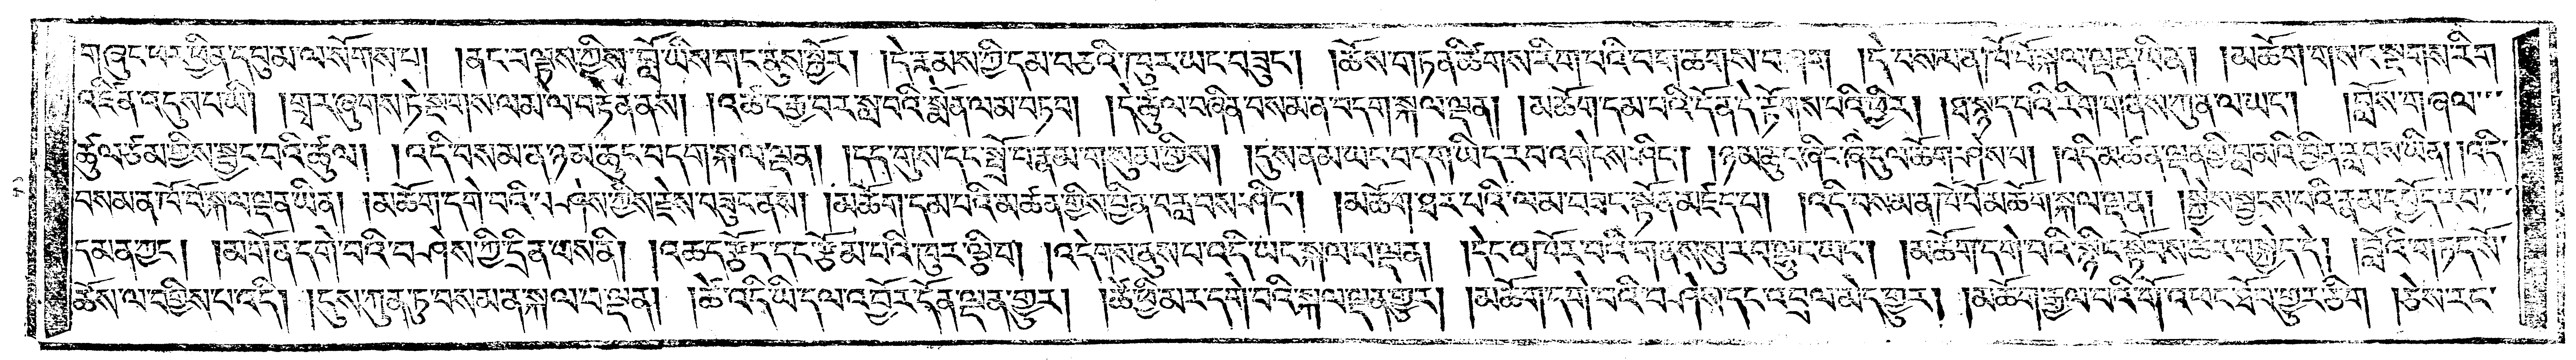གཞུང་ཕར་ཕྱིན་དབུ་མ་ལ་སོགས་པ། །ནང་བལྟས་ཀྱིས་བློ་ཡིས་གང་ནུས་སྐྱོར། །དེ་རྣམས་ཀྱི་དམ་བཅའི་ཁུར་ཡང་བཟུང་། །ཆོས་གཏན་ཚིགས་རིག་པའི་བག་ཆགས་བཞག །དེ་བསམ་ན་ཁོ་བོ་སྐལ་ལྡན་ཡིན། །མཆོག་གསང་སྔགས་རིག་
འཛིན་འདུས་པ་ཡི། །གྲྭར་ཞུགས་ཏེ་སྔགས་ལམ་ལ་བརྟེན་ནས། །འཚང་རྒྱ་བར་སླ་བའི་སྨོན་ལམ་བཏབ། །དེ་ཚུལ་བཞིན་བསམ་ན་བདག་སྐལ་ལྡན། །མཆོག་དམ་པའི་དོན་དེ་རྟོགས་པའི་ཕྱིར། །ཐ་སྙད་བའི་རིག་གནས་ཀུན་ལ་ཡང་། །བློས་གཞལ་
ཚུལ་ཙམ་གྱིས་སྦྱང་བའི་ཚུལ། །འདི་བསམ་ན་ཉམ་ཆུང་བདག་སྐལ་ལྡན། །དད་གུས་དང་སྤྲོ་བ་རྣམ་གསུམ་གྱིས། །དུས་ནམ་ཡང་བདག་ཡིད་རབ་འགེངས་ཤིང་། །ཉམ་ཆུང་ཞིང་ཞི་དུལ་ཆོག་ཤེས་པ། །འདི་མཚན་ལྡན་གྱི་བླ་མའི་བྱིན་རླབས་ཡིན། །འདི་
བསམ་ན་ཁོ་བོ་སྐལ་ལྡན་ཡིན། །མཆོག་དགེ་བའི་བཤེས་ཀྱིས་རྗེས་བཟུང་ནས། །མཆོག་དམ་པའི་མཚན་གྱིས་བྱིན་བརླབས་ཤིང་། །མཆོག་ཐར་པའི་ལམ་བཟང་སྟོན་མཛད་པ། །འདི་བསམ་ན་ཁོ་བོ་མཆོག་སྐལ་ལྡན། །སྐྱེས་སྦྱངས་པའི་རྣམ་དཔྱོད་རབ་
དམན་ཀྱང་། །མགོན་དགེ་བའི་བཤེས་ཀྱི་དྲིན་ལས་ནི། །འཆད་རྩོད་དང་རྩོམ་པའི་ཁུར་ལྕིབ། །འདེགས་ནུས་པ་འདི་ཡང་སྐལ་བ་ལྡན། །དེང་འཁོར་བའི་གནས་སུ་རབ་ལྷུང་ཡང་། །མཆོག་དགེ་བའི་སྙིང་སྟོབས་ཆེར་བསྐྱེད་དེ། །བློའི་གཏད་སོ་
ཆོས་ལ་བགྱིས་པ་འདི། །དུས་ཀུན་ཏུ་བསམ་ན་སྐལ་བ་ལྡན། །ཚེ་འདི་ཡི་དལ་འབྱོར་དོན་ལྡན་གྱུར། །ཚེ་ཕྱི་མར་དགེ་བའི་སྐལ་ལྡན་གྱུར། །མཆོག་དགེ་བའི་བཤེས་དང་འབྲལ་མེད་གྱུར། །མཆོག་རྒྱལ་བའི་གོ་འཕང་ཐོབ་གྱུར་ཅིག །ཅེས་རང་